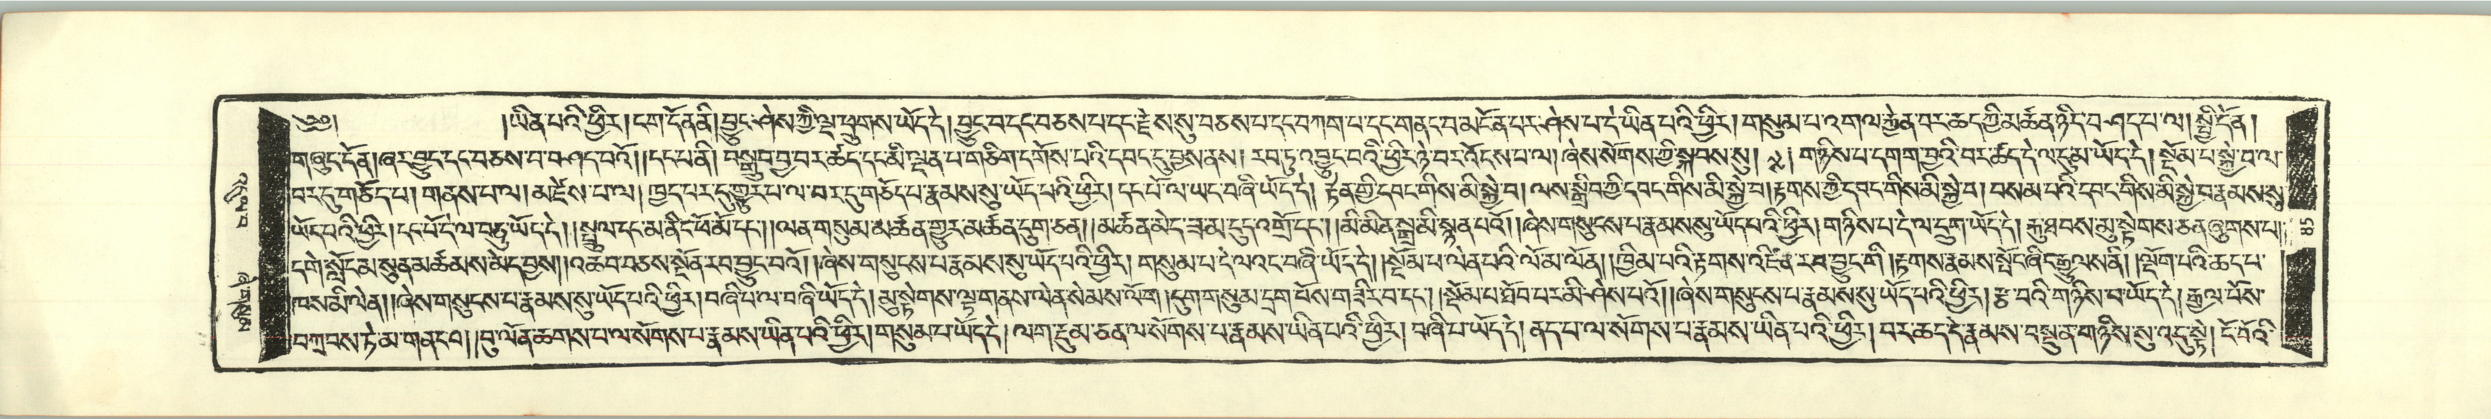༄༅། །ཡིན་པའི་ཕྱིར། ངག་དོན་ནི། བྱུང་ཤེས་ཀྱི་ལྔ་ཕྲུགས་ཡོད་དེ། བྱུང་བ་དང་བཅས་པ་དང་རྗེས་སུ་བཅས་པ་དང་བཀག་པ་དང་གནང་བ་མངོན་པར་ཤེས་པ་དེ་ཡིན་པའི་ཕྱིར། གསུམ་པ་འགལ་རྐྱེན་བར་ཆད་ཀྱི་མཚན་ཉིད་བཤད་པ་ལ། སྤྱི་དོན།
གཞུང་དོན། ཞར་བྱུང་དང་བཅས་པ་བཤད་པའོ། །དང་པོ་ནི། བསྒྲུབ་བྱ་བར་ཚད་དང་མི་ལྡན་པ་གཅིག་དགོས་པའི་དབང་དུ་བྱས་ན། རབ་ཏུ་འབྱུང་བའི་ཕྱིར་ཉེ་བར་འོངས་པ་ལ། ཞེས་སོགས་ཀྱི་སྐབས་སུ། །གཉིས་པ་དགག་བྱའི་བར་ཚད་དེ་ལ་དུ་མ་ཡོད་དེ། སྡོམ་པ་སྐྱེ་བ་ལ་
བར་དུ་གཅོད་པ། གནས་པ་ལ། མཛེས་པ་ལ། ཁྱད་པར་དུ་གྱུར་པ་ལ་བར་དུ་གཅོད་པ་རྣམས་སུ་ཡོད་པའི་ཕྱིར། དང་པོ་ལ་ཡང་བཞི་ཡོད་དེ། རྟེན་གྱི་དབང་གིས་མི་སྐྱེ་བ། ལས་སྒྲིབ་ཀྱི་དབང་གིས་མི་སྐྱེ་བ། རྟགས་ཀྱི་དབང་གིས་མི་སྐྱེ་བ། བསམ་པའི་དབང་གིས་མི་སྐྱེ་བ་རྣམས་སུ་
ཡོད་པའི་ཕྱིར། དང་པོ་དེ་ལ་བཅུ་ཡོད་དེ། །སྤྲུལ་དང་མ་ནིང་ཕོ་མོ་དང་། །ལན་གསུམ་མཚན་གྱུར་མཚན་དུག་ཅན། །མཚན་མེད་ཟ་མ་དུད་འགྲོ་དང་། །མི་མིན་སྒྲ་མི་སྙན་པའོ། །ཞེས་གསུངས་པ་རྣམས་སུ་ཡོད་པའི་ཕྱིར། གཉིས་པ་དེ་ལ་དྲུག་ཡོད་དེ། རྐུ་ཐབས་མུ་སྟེགས་ཅན་ཞུགས་པ་
དགེ་སློང་མ་སུན་མཚམས་མེད་བྱས། །འཆབ་བཅས་སྔོན་རབ་བྱུང་བའོ། །ཞེས་གསུངས་པ་རྣམས་སུ་ཡོད་པའི་ཕྱིར། གསུམ་པ་དེ་ལའང་བཞི་ཡོད་དེ། །སྡོམ་པ་ལེན་པའི་ལོ་མ་ལོན། །ཁྱིམ་པའི་རྟགས་འཛིན་རབ་བྱུང་གི། རྟགས་རྣམས་སྤོང་ཞིང་རྒྱུ་ལས་ནི་།ལྡོག་པའི་ཆད་པ་
ཁས་མི་ལེན། །ཞེས་གསུངས་པ་རྣམས་སུ་ཡོད་པའི་ཕྱིར། བཞི་པ་ཡོད་དེ། མུ་སྟེགས་ལྟ་གནས་ལེན་སེམས་ལོག །དུག་གསུམ་དྲག་པོས་གཟིར་བ་དང་། །སྡོམ་པ་ཐོབ་པར་མི་ཤེས་པའོ། །ཞེས་གསུངས་པ་རྣམས་སུ་ཡོད་པའི་ཕྱིར། རྩ་བའི་གཉིས་པ་ཡོད་དེ། རྒྱལ་པོས་བཀྲབས་ཏེ་མ་གནང་བ། །བུ་ལོན་ཆགས་པ་ལ་སོགས་པ་རྣམས་ཡིན་པའི་ཕྱིར། གསུམ་པ་ཡོད་དེ། ལག་རྡུམ་ཅན་ལ་སོགས་པ་རྣམས་ཡིན་པའི་ཕྱིར། བཞི་པ་ཡོད་དེ། ནད་པ་ལ་སོགས་པ་རྣམས་ཡིན་པའི་ཕྱིར། བར་ཆད་དེ་རྣམས་བསྡུ་ན་གཉིས་སུ་འདུ་སྟེ། ངོ་བོའི་